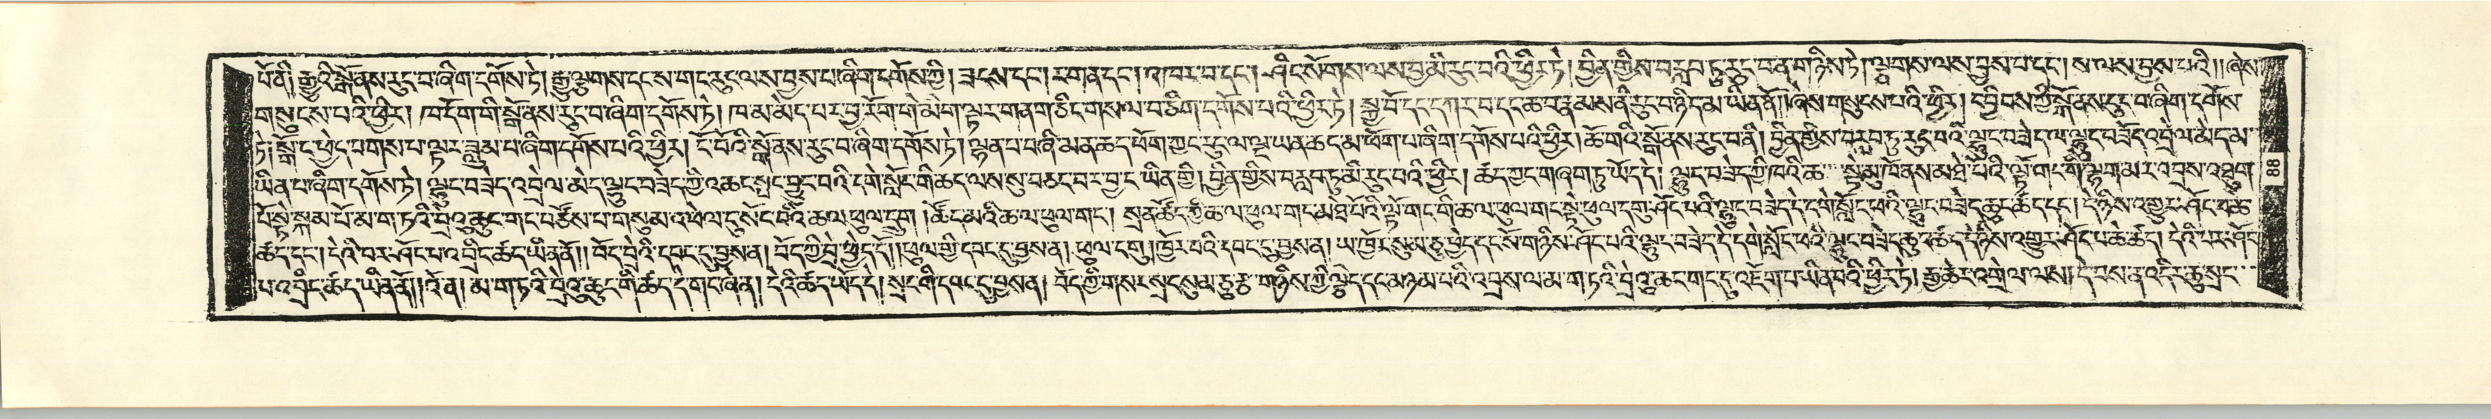པོ་ནི༑ རྒྱུའི་སྒོ་ནས་རུང་བ་ཞིག་དགོས་ཏེ། རྒྱུ་ལྕགས་དང་ས་གང་རུང་ལས་བྱས་པ་ཞིག་དགོས་ཀྱི། ཟངས་དང་། ར་གན་དང་། འཁར་བ་དང་། ཤིང་སོགས་ལས་བྱ་མི་རུང་བའི་ཕྱིར་ཏེ། བྱིན་གྱིས་བརླབ་ཏུ་རུང་བ་ན་གཉིས་ཏེ། ལྕགས་ལས་བྱས་པ་དང་། ས་ལས་བྱས་པའི། །ཞེས་
གསུངས་པའི་ཕྱིར། ཁ་དོག་གི་སྒོ་ནས་རུང་བ་ཞིག་དགོས་ཏེ། ཁ་མ་མེད་པར་བྱ་རོག་གི་མིག་ལྟར་གནག་ཅིང་གསལ་བ་ཅིག་དགོས་པའི་ཕྱིར་ཏེ། སྐྱ་བོ་དང་དཀར་བ་དང་ཆ་བ་རྣམས་ནི་རུང་བ་ཉིད་མ་ཡིན་ནོ། །ཞེས་གསུངས་པའི་ཕྱིར། དབྱིབས་ཀྱི་སྒོ་ནས་རུང་བ་ཞིག་དགོས་
ཏེ༑ སྒོ་ང་ཕྱེད་པགས་པ་ལྟར་ཟླུམ་པ་ཞིག་དགོས་པའི་ཕྱིར། ངོ་བོའི་སྒོ་ནས་རུང་བ་ཞིག་དགོས་ཏེ། ལྷན་པ་བཞི་མན་ཆད་ཕོག་ཀྱང་རུང་ལ་ལྔ་ཡན་ཆད་མ་ཕོག་པ་ཞིག་དགོས་པའི་ཕྱིར། ཆོ་གའི་སྒོ་ནས་རུང་བ་ནི། བྱིན་གྱིས་བརླབ་ཏུ་རུང་བའི་ལྷུང་བཟེད་ལ་ལྷུང་བཟོད་འབྲེལ་མེད་མ་
ཡིན་པ་ཞིག་དགོས་ཏེ། ལྷུང་བཟེད་འབྲེལ་མེད་ལྷུང་བཟེད་ཀྱི་འཆང་སྤང་བྱུང་བའི་དགེ་སློང་གི་ཆད་ལས་སུ་བཅང་བར་བྱ་ང་ཡིན་གྱི། བྱིན་གྱིས་བརླབ་ཏུ་མི་རུང་བའི་ཕྱིར། ཚད་ཀྱང་གཞག་ཏུ་ཡོད་དེ། ལྷུང་བཟེད་ཀྱི་ཁའི་ཆ་སྟེ་མུ་ཁོ་ནས་མཐེ་པོའི་ལྟོ་གང་གི་ལྷག་མར་འབྲས་འཐུག་
པོ་སྟེ་སྐམ་པོ་མ་ག་ཏའི་བྲེའུ་ཆུང་གང་བཙོས་པ་གསུམ་འཕེལ་དུ་སོང་བའི་ཆལ་ཕུལ་དྲུག །ཚོད་མའི་ཆ་ལ་ཕུལ་གང་། སྲན་ཚོད་ཀྱི་ཆ་ལ་ཕུལ་གང་མཐེ་པོའི་ལྟོ་གང་གི་ཆ་ལ་ཕུལ་གང་སྟེ་ཕུལ་དགུ་ཤོང་པའི་ལྷུང་བཟེད་དེ་དགེ་སློང་ཕའི་ལྷུང་བཟེད་ཆུང་ཚད་དང་། དེ་ཉིས་འགྱུར་ཤོང་བ་ཆེ་
ཚད་དང་། དེའི་བར་ཤོང་པ་འབྲིང་ཚད་ཡིན་ནོ། །བོད་བྲེའི་དབང་དུ་བྱས་ན། བོད་ཀྱི་བྲེ་ཕྱེད་དོ། །ཕུལ་གྱི་དབང་དུ་བྱས་ན། ཕུལ་དགུ། ཁོར་བའི་དབང་དུ་བྱས་ན། ཡ་ཁྱོར་སུམ་ཅུ་ཕྱེད་དང་སོ་གཉིས་ཤོང་པའི་ལྷུང་བཟེད་དེ་དགེ་སློང་ཕའི་ལྷུང་བཟེད་ཆུ་འཚད་དེ་ཉིས་འགྱུར་ཤོང་པ་ཆེ་ཚད། དེའི་པར་ཤོང་
པ་འབྲིང་ཚད་ཡིན་ནོ། །འོ་ན། མ་ག་ཏའི་བྲེའུ་ཆུང་གི་ཚད་དེ་གང་ཞེ་ན། དེའི་ཚད་ཡོད་དེ། སྲང་གི་དབང་དུ་བྱས་ན། བོད་ཀྱི་གསར་སྲང་སུམ་ཅུ་རྩ་གཉིས་ཀྱི་ལྕེད་དང་མཉམ་པའི་འབྲས་ལ་མ་ག་ཏའི་བྲེའུ་ཆང་གང་དུ་འཇོག་པ་ཡིན་པའི་ཕྱིར་ཏེ། རྒྱ་ཆེར་འགྲེལ་ལས། དེ་བས་ན་འདིར་ཆུ་སྲང་